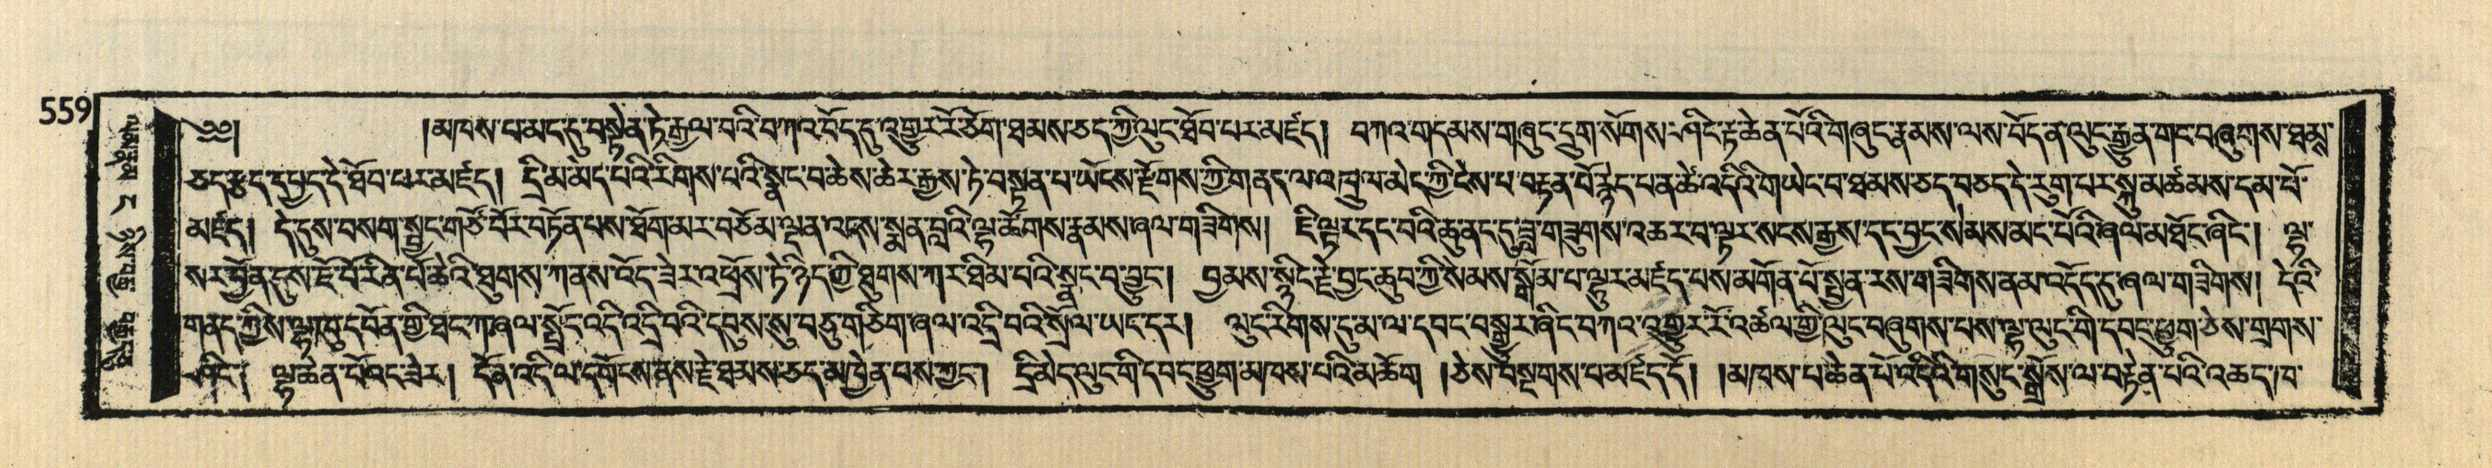༄༅། །མཁས་པ་མང་དུ་བསྟེན་ཏེ་རྒྱལ་བའི་བཀའ་བོད་དུ་འགྱུར་རོ་ཅོག་ཐམས་ཅད་ཀྱི་ལུང་ཐོབ་པར་མཛད། བཀའ་གདམས་གཞུང་དྲུག་སོགས་ཤིང་རྟ་ཆེན་པོའི་གཞུང་རྣམས་ལས་བོད་ན་ལུང་རྒྱུན་གང་བཞུགས་ཐམས་
ཅད་རྩད་དཔྱད་དེ་ཐོབ་པར་མཛད། དྲི་མ་མེད་པའི་རིགས་པའི་སྣང་བ་ཆེས་ཆེར་རྒྱས་ཏེ་བསྟན་པ་ཡོངས་རྫོགས་ཀྱི་གནད་ལ་འཁྲུལ་མེད་ཀྱི་ངེས་པ་བརྟན་པོ་རྙེད་པ་ན་ཚེ་འདིའི་གཡེང་བ་ཐམས་ཅད་བཅད་དེ་རུག་པར་སྐུ་མཚམས་དམ་པོ་
མཛད། དེ་དུས་བསག་སྦྱང་གཙོ་བོར་བཏོན་པས་ཐོག་མར་བཅོམ་ལྡན་འདས་སྨན་བླའི་ལྷ་ཚོགས་རྣམས་ཞལ་གཟིགས། ཇི་ལྟར་དང་བའི་ཆུ་ནང་དུ་ཟླ་གཟུགས་འཆར་བ་ལྟར་སངས་རྒྱས་དང་བྱང་སེམས་མང་པོའི་ཞལ་མཐོང་ཞིང་། ལྷ་
སར་བྱོན་དུས་ཇོ་བོ་རིན་པོ་ཆེའི་ཐུགས་ཀ་ནས་འོད་ཟེར་འཕྲོས་ཏེ་ཉིད་གྱི་ཐུགས་ཀར་ཐིམ་པའི་སྣང་བ་བྱུང་། བྱམས་སྙིང་རྗེ་བྱང་ཆུབ་ཀྱི་སེམས་སྒོམ་པ་ལྷུར་མཛད་པས་མགོན་པོ་སྤྱན་རས་གཟིགས་ནམ་འདོད་དུ་ཞལ་གཟིགས། དེའི་
གནད་ཀྱིས་ལྷ་ཁུ་དབོན་གྱི་ཐང་ཀ་ཞལ་སྤྲོད་འདི་འདྲི་བའི་དབུས་སུ་བཅུ་གཅིག་ཞལ་འདྲི་བའི་སྲོལ་ཡང་དར། ལུང་རིགས་དུ་མ་ལ་དབང་བསྒྱུར་ཞིང་བཀའ་འགྱུར་རོ་འཚལ་གྱི་ལུང་བཞུགས་པས་ལྷ་ལུང་གི་དབང་ཕྱུག་ཅེས་གྲགས་
ཤིང༑ ལྷ་ཆེན་པོའང་ཟེར། དོན་འདི་ལ་དགོངས་ནས་རྗེ་ཐམས་ཅད་མཁྱེན་པས་ཀྱང་། དྲི་མེད་ལུང་གི་དབང་ཕྱུག་མཁས་པའི་མཆོག །ཅེས་བསྔགས་པ་མཛད་དོ། །མཁས་པ་ཆེན་པོ་འདིའི་གསུང་སྒྲོས་ལ་བརྟེན་པའི་འཆད་ཁ་